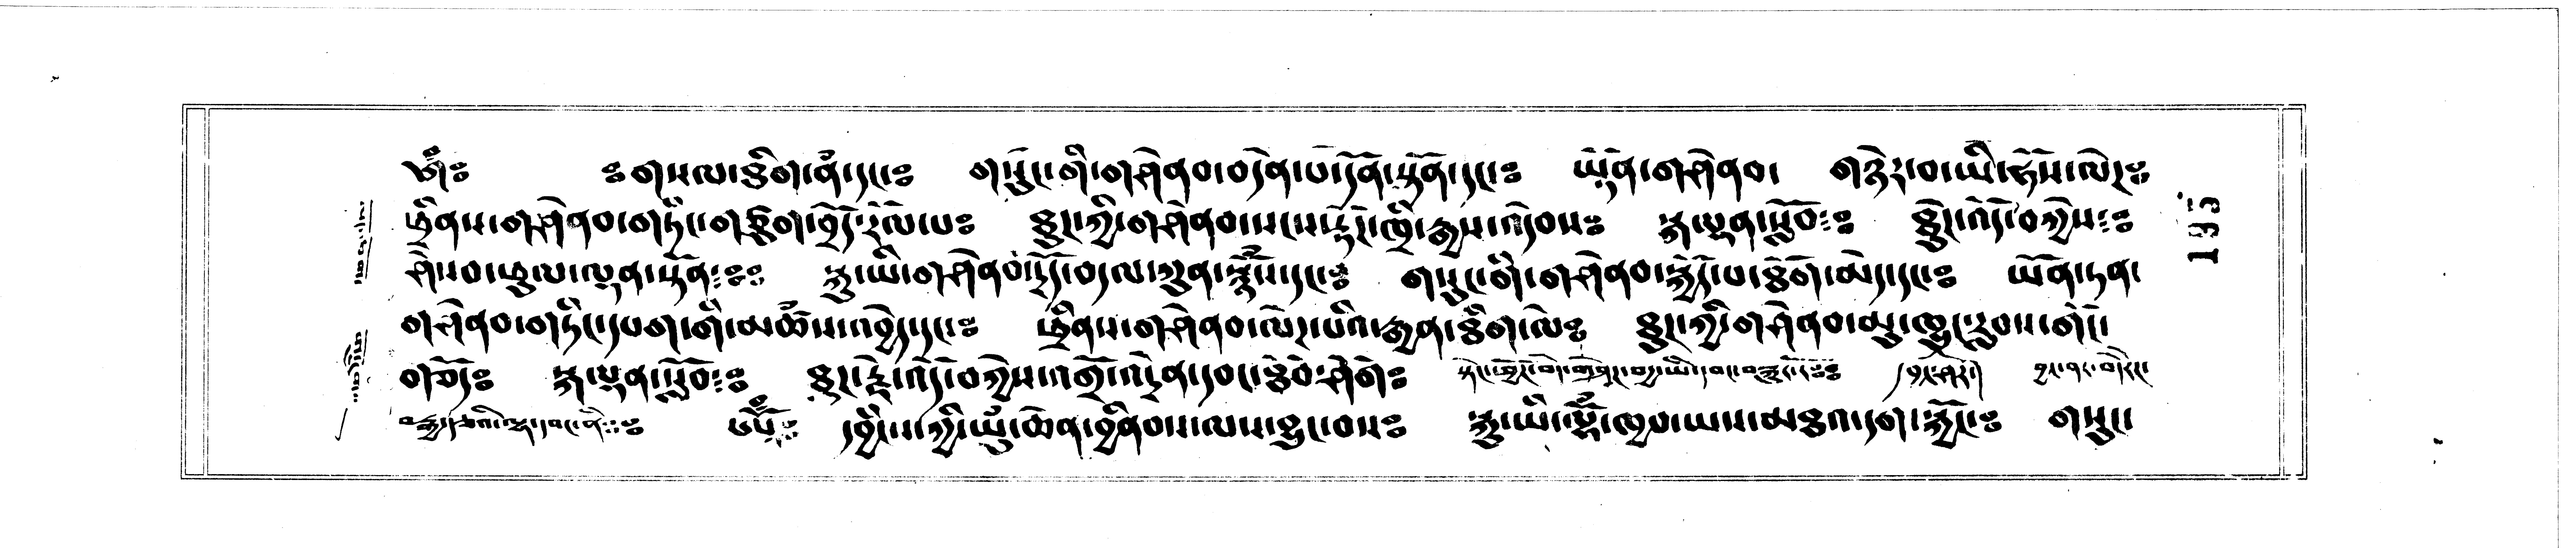གསལ་ཐིག་ནམ་དངཿ གསུང་གི་གཤེན་རབ་བདེན་བ་དོན་སྟོན་དངཿ ཡོན་ཏན་གྱི་གཤེན་རབ་གཉེར་བ་ཡིད་ཧོས་ལེགས་དངཿ 
ཕྲིན་ལས་ཀྱི་གཤེན་རབ་གཏིང་གཙུག་བྲོད་རོལ་པ་དངཿ ཐུགས་ཀྱི་གཤེན་རབ་སང་རྟོགས་ཁྲི་རྒྱས་འདེབས་ཀྱིསཿ སྐལ་ལྡན་སློབ་མ་རྣམས་ལ་དབང་བསྐུར་བསཿ ཐུགས་རྗེ་འོད་བསྐྱེད་འགྲོ་འདྲེན་དབང་ཐོབ་ཤོགཿ
 ཤེས་རབ་ཕུལ་ལྡན་སྟོན་པའི་འོད་ཟེར་ལསཿ སྐུ་ཡི་གཤེན་རབ་དྲོད་བདལ་ཀུན་སྙོམས་དངཿ གསུང་གི་གཤེན་རབ་སྤྱོད་པ་ཐོགས་མེད་དངཿ ཡོན་ཏན་
གྱི་གཤེན་རབ་གཏིང་དཔག་གི་མཚམས་འབྱེད་དངཿ ཕྲིན་ལས་ཀྱི་གཤེན་རབ་ལེགས་པའི་རྒྱན་ཐིག་ལེ་དངཿ ཐུགས་ཀྱི་གཤེན་རབ་མུ་ཁྱུང་རླབས་གོང་
གཅོད་ཀྱིསཿ སྐལ་ལྡན་སློབ་མ་རྣམས་ལ་དབང་བསྐུར་བསཿ ཐུགས་རྗེ་འོད་བསྐྱེད་འགྲོ་འདྲེན་དབང་ཐོབ་ཤོགཿ སྟེང་ཕྱོགས་བདེར་གཤེགས་བརྒྱ་ཡི་དབང་བསྐུར་རོཿ ༼བྱང་ཤར༽བྱང་ཤར་བདེར་གཤེགས་
བརྒྱ་ཡི་ལྷ་དབང་ནིཿ ཨཱོྃཿ དབྱིངས་ཀྱི་ཡུམ་ཆེན་བྱིན་རླབས་ལས་བྱུང་བསཿ སྐུ་ཡི་ལྷ་མོ་ཁྱབ་ཡས་མཐའ་དག་སྐྱོངཿ གསུང་